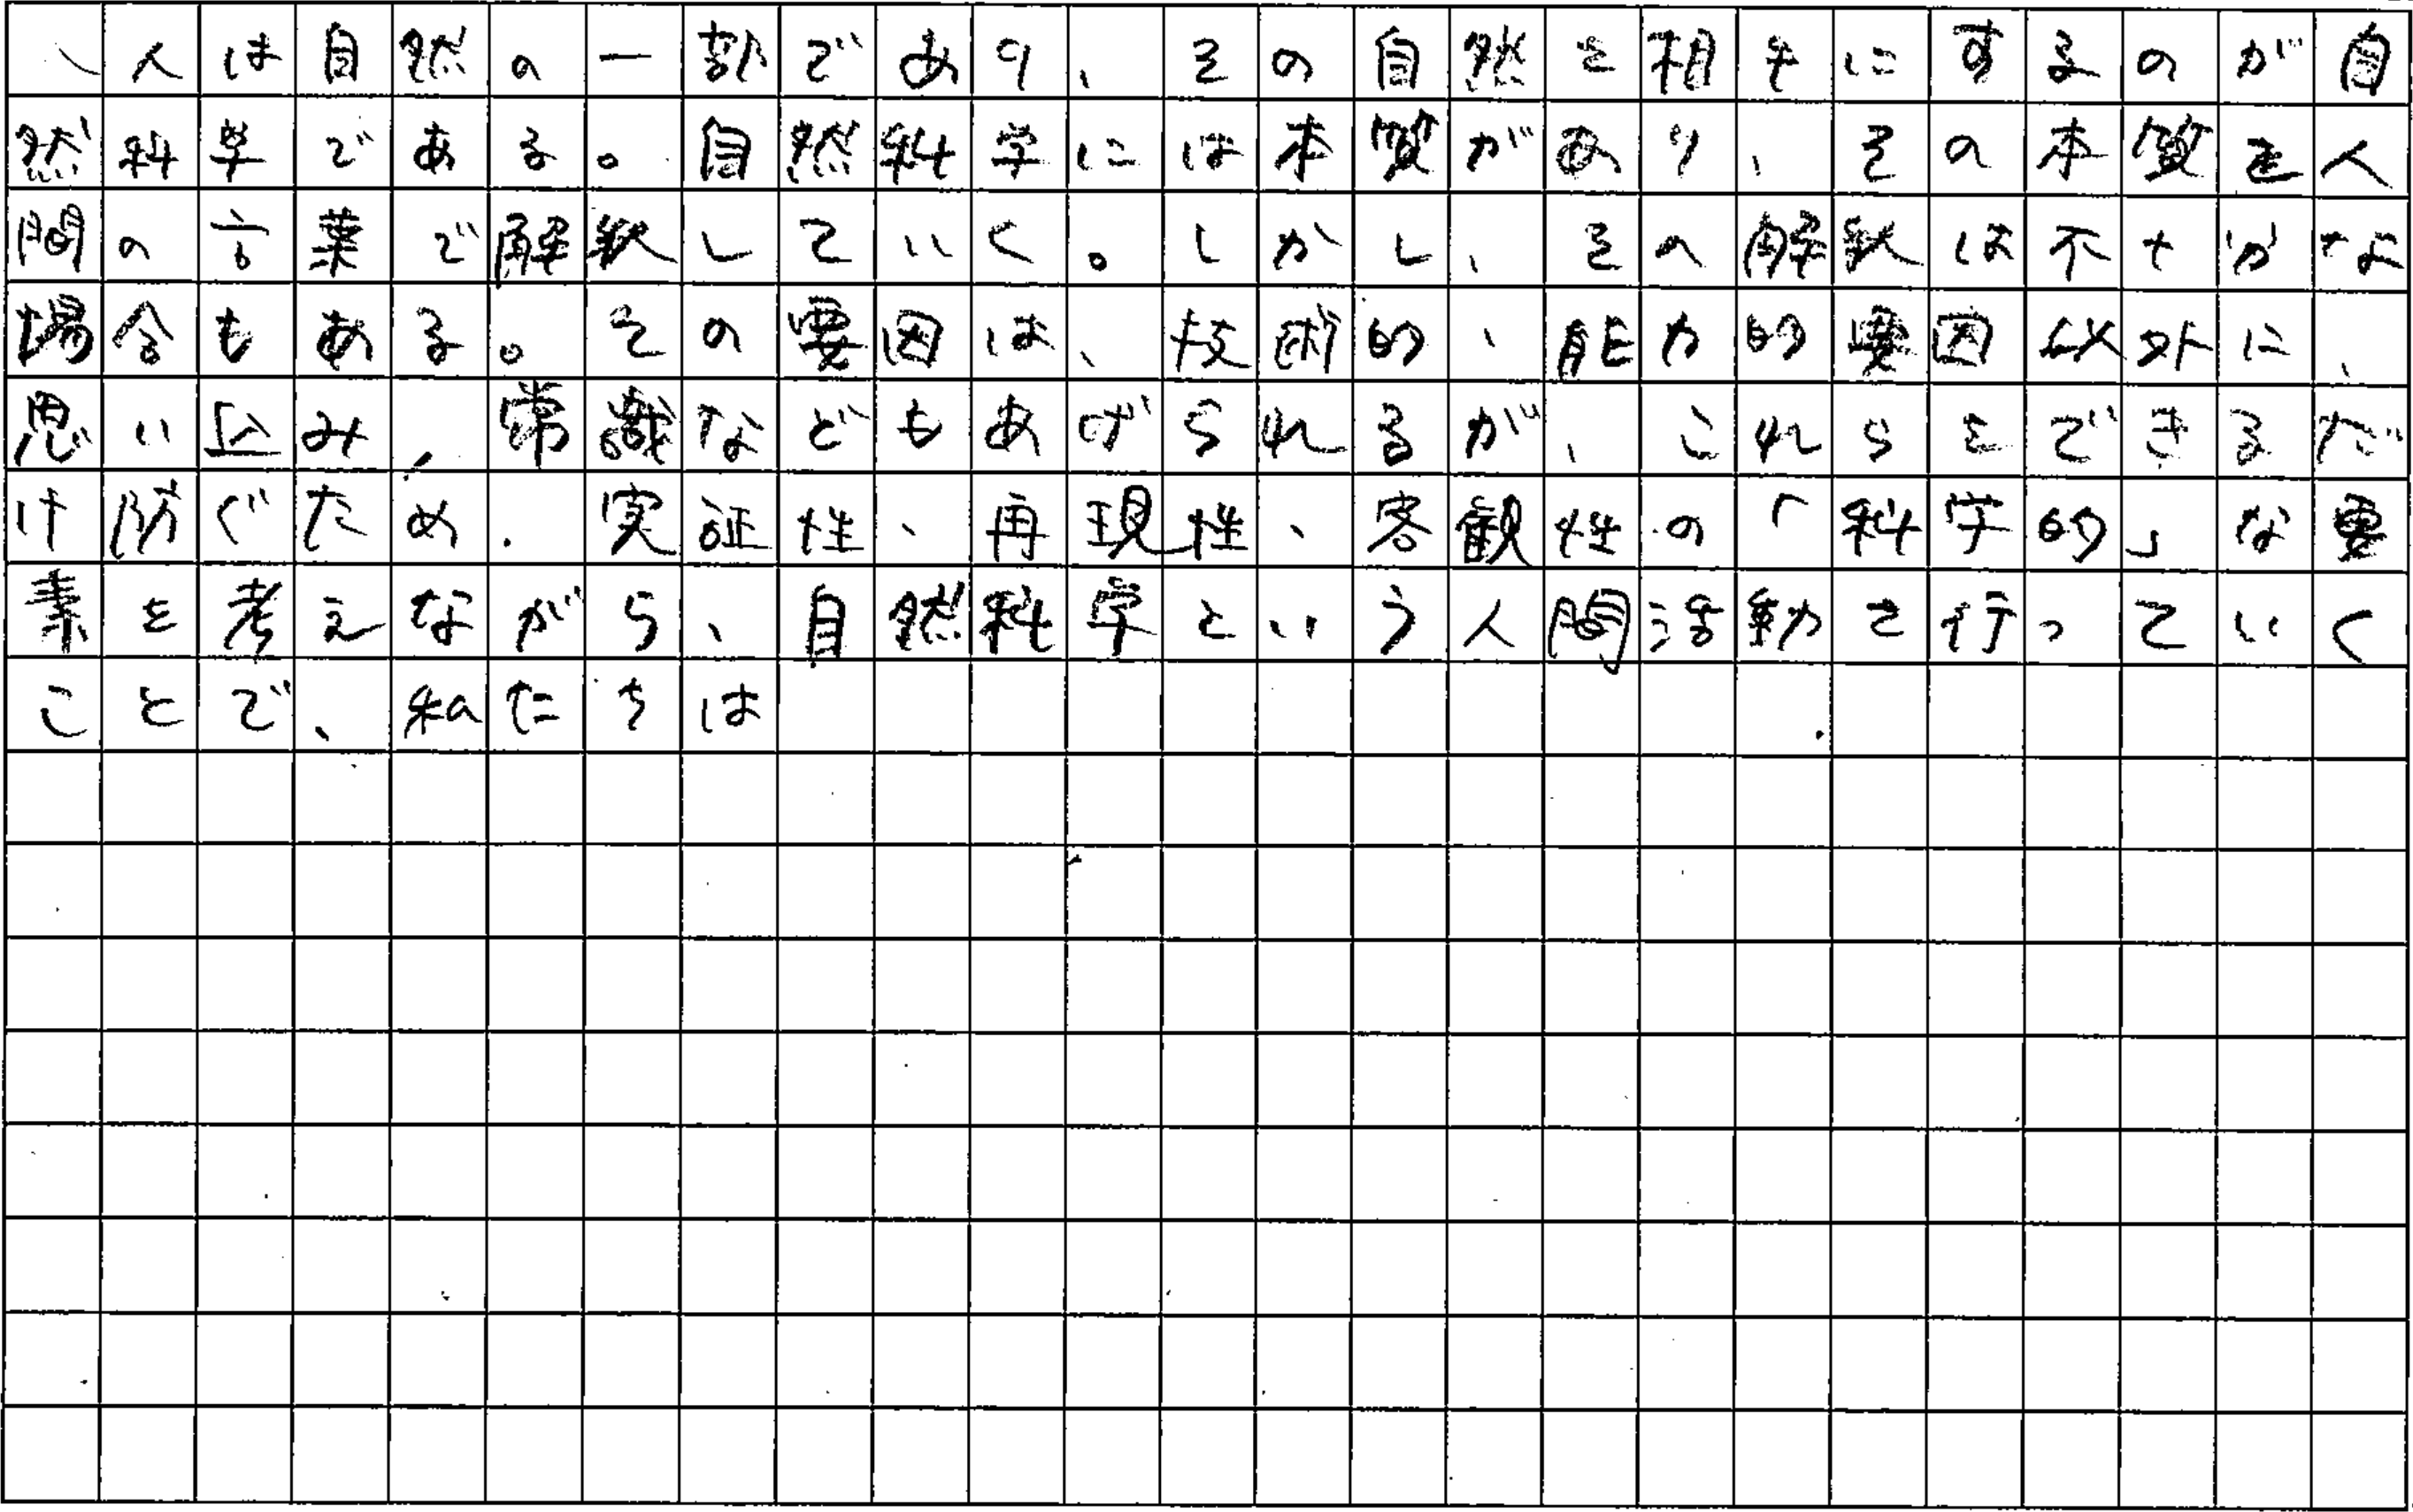　人は自然の一部であり、その自然を相手にするのが自然科学である。自然科学には本質があり、その本質を人間の言葉で解釈していく。しかし、その解釈は不十分な場合もある。その要因は、技術的・能力的要因以外に、思い込み、常識などもあげられるが、これらをできるだけ防ぐため、実証性・再現性・客観性の「科学的」な要素を考えながら、自然科学という人間活動を行っていくことで、私たちは
